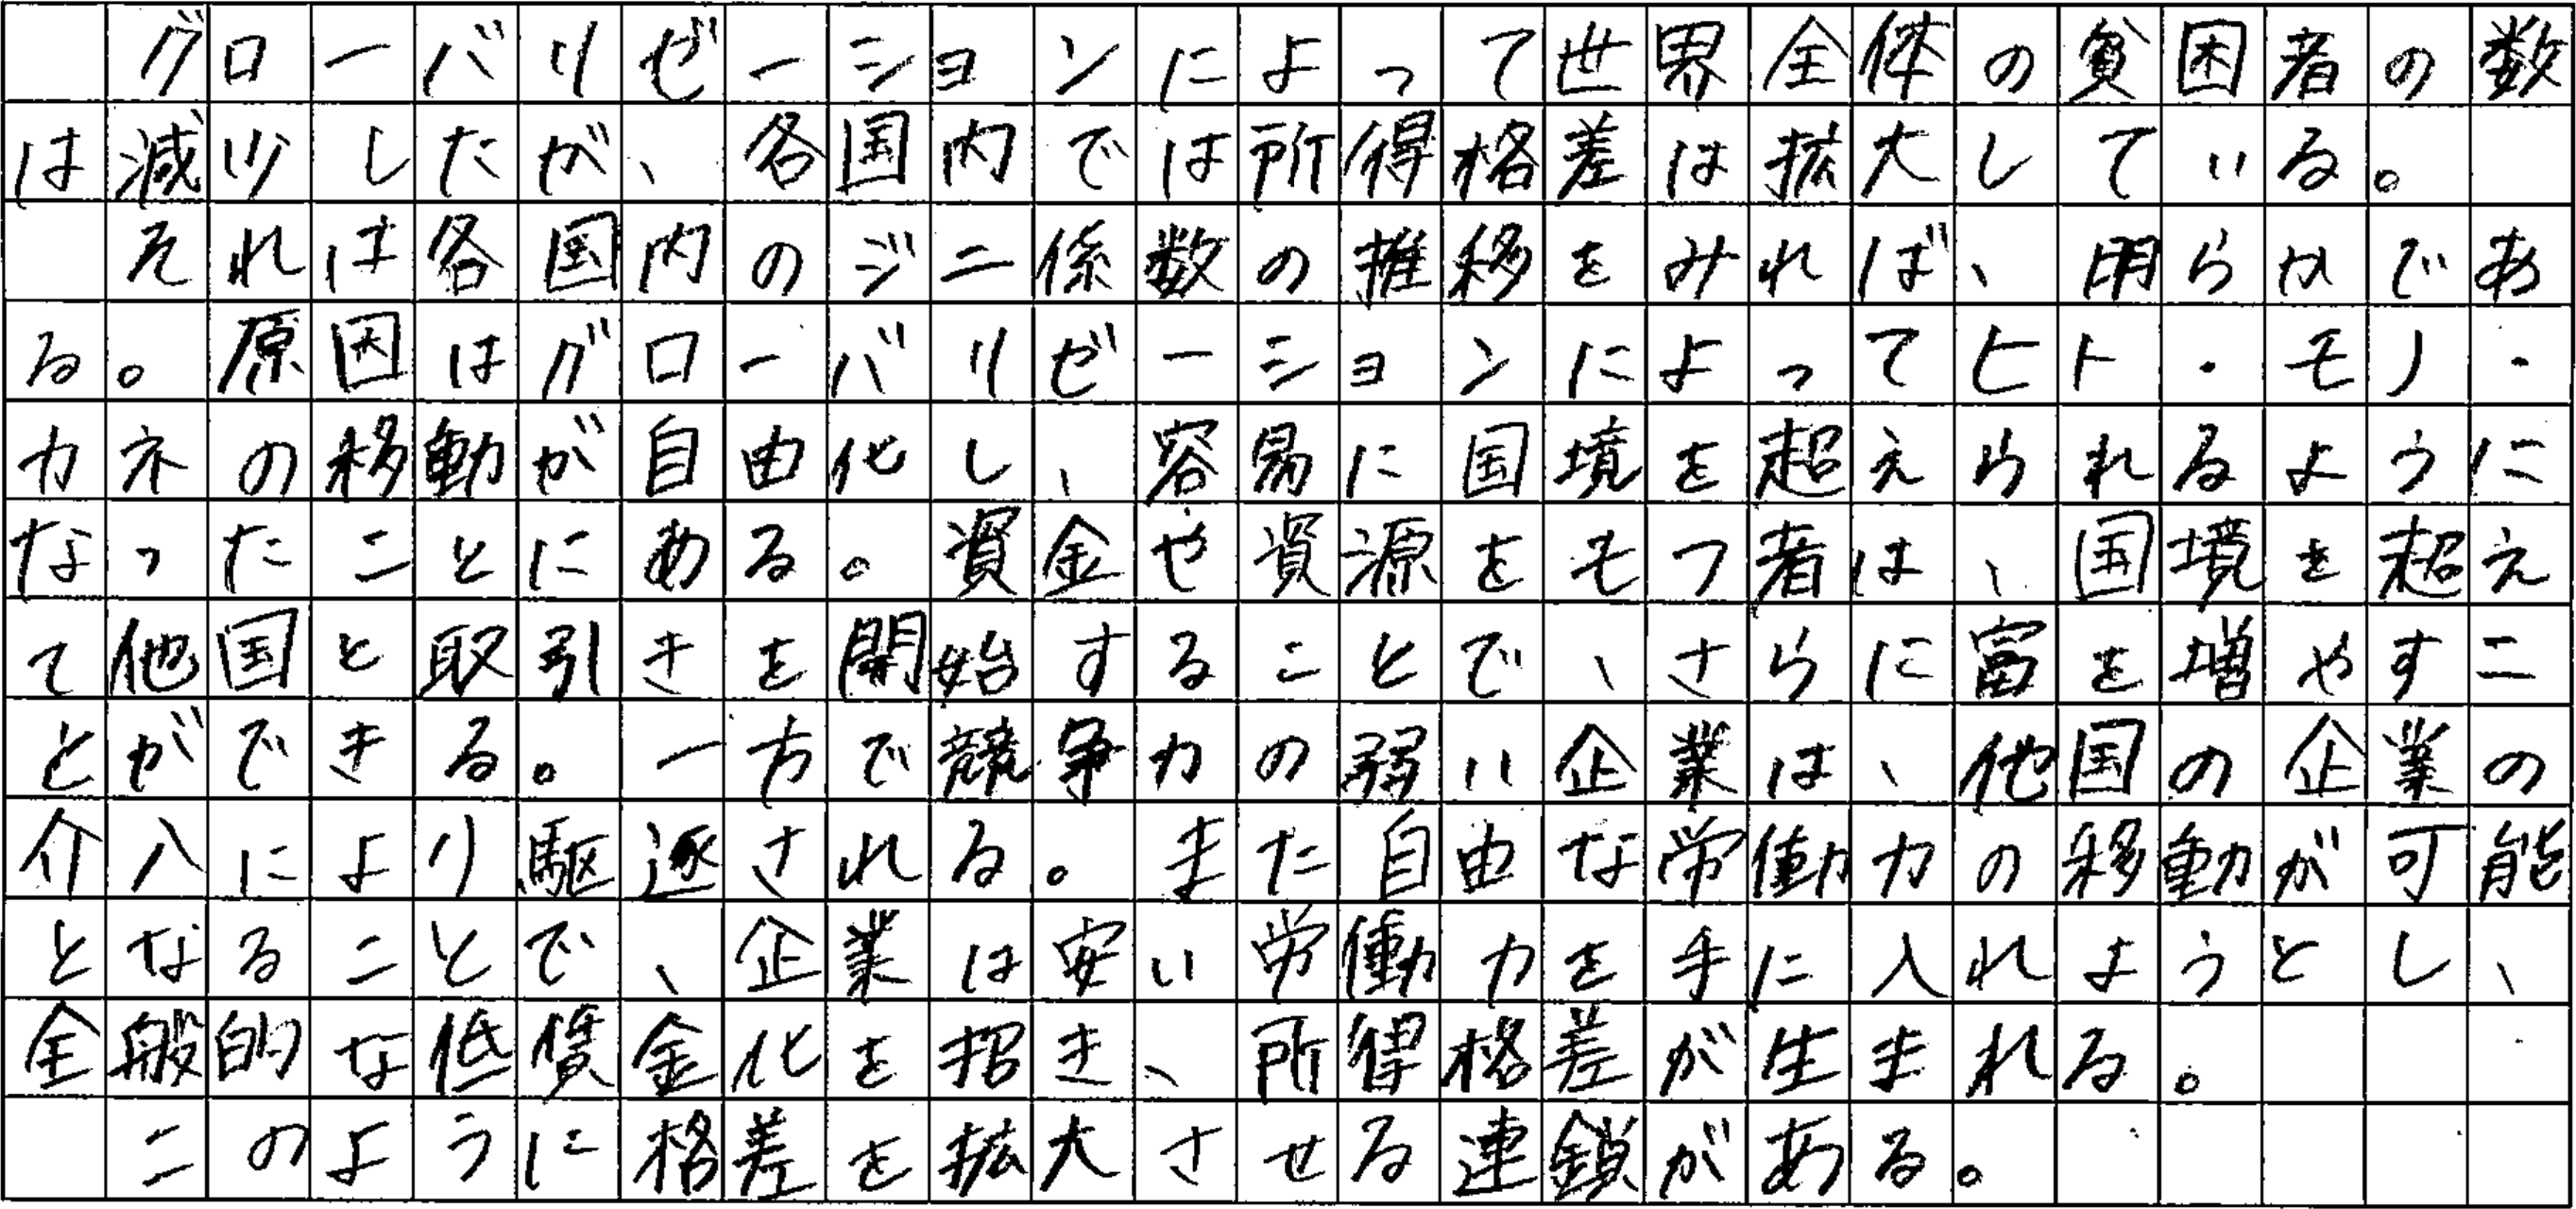　グローバリゼーションによって世界全体の貧困者の数は減少したが、各国内では所得格差は拡大している。
　それは各国内のジニ係数の推移をみれば、明らかである。原因はグローバリゼーションによってヒト・モノ・カネの移動が自由化し、容易に国境を超えられるようになったことにある。資金や資源をもつ者は、国境を超えて他国と取引きを開始することで、さらに富を増やすことができる。一方で競争力の弱い企業は、他国の企業の介入により駆逐される。また自由な労働力の移動が可能となることで、企業は安い労働力を手に入れようとし、全般的な低賃金化を招き、所得格差が生まれる。
　このように格差を拡大させる連鎖がある。
